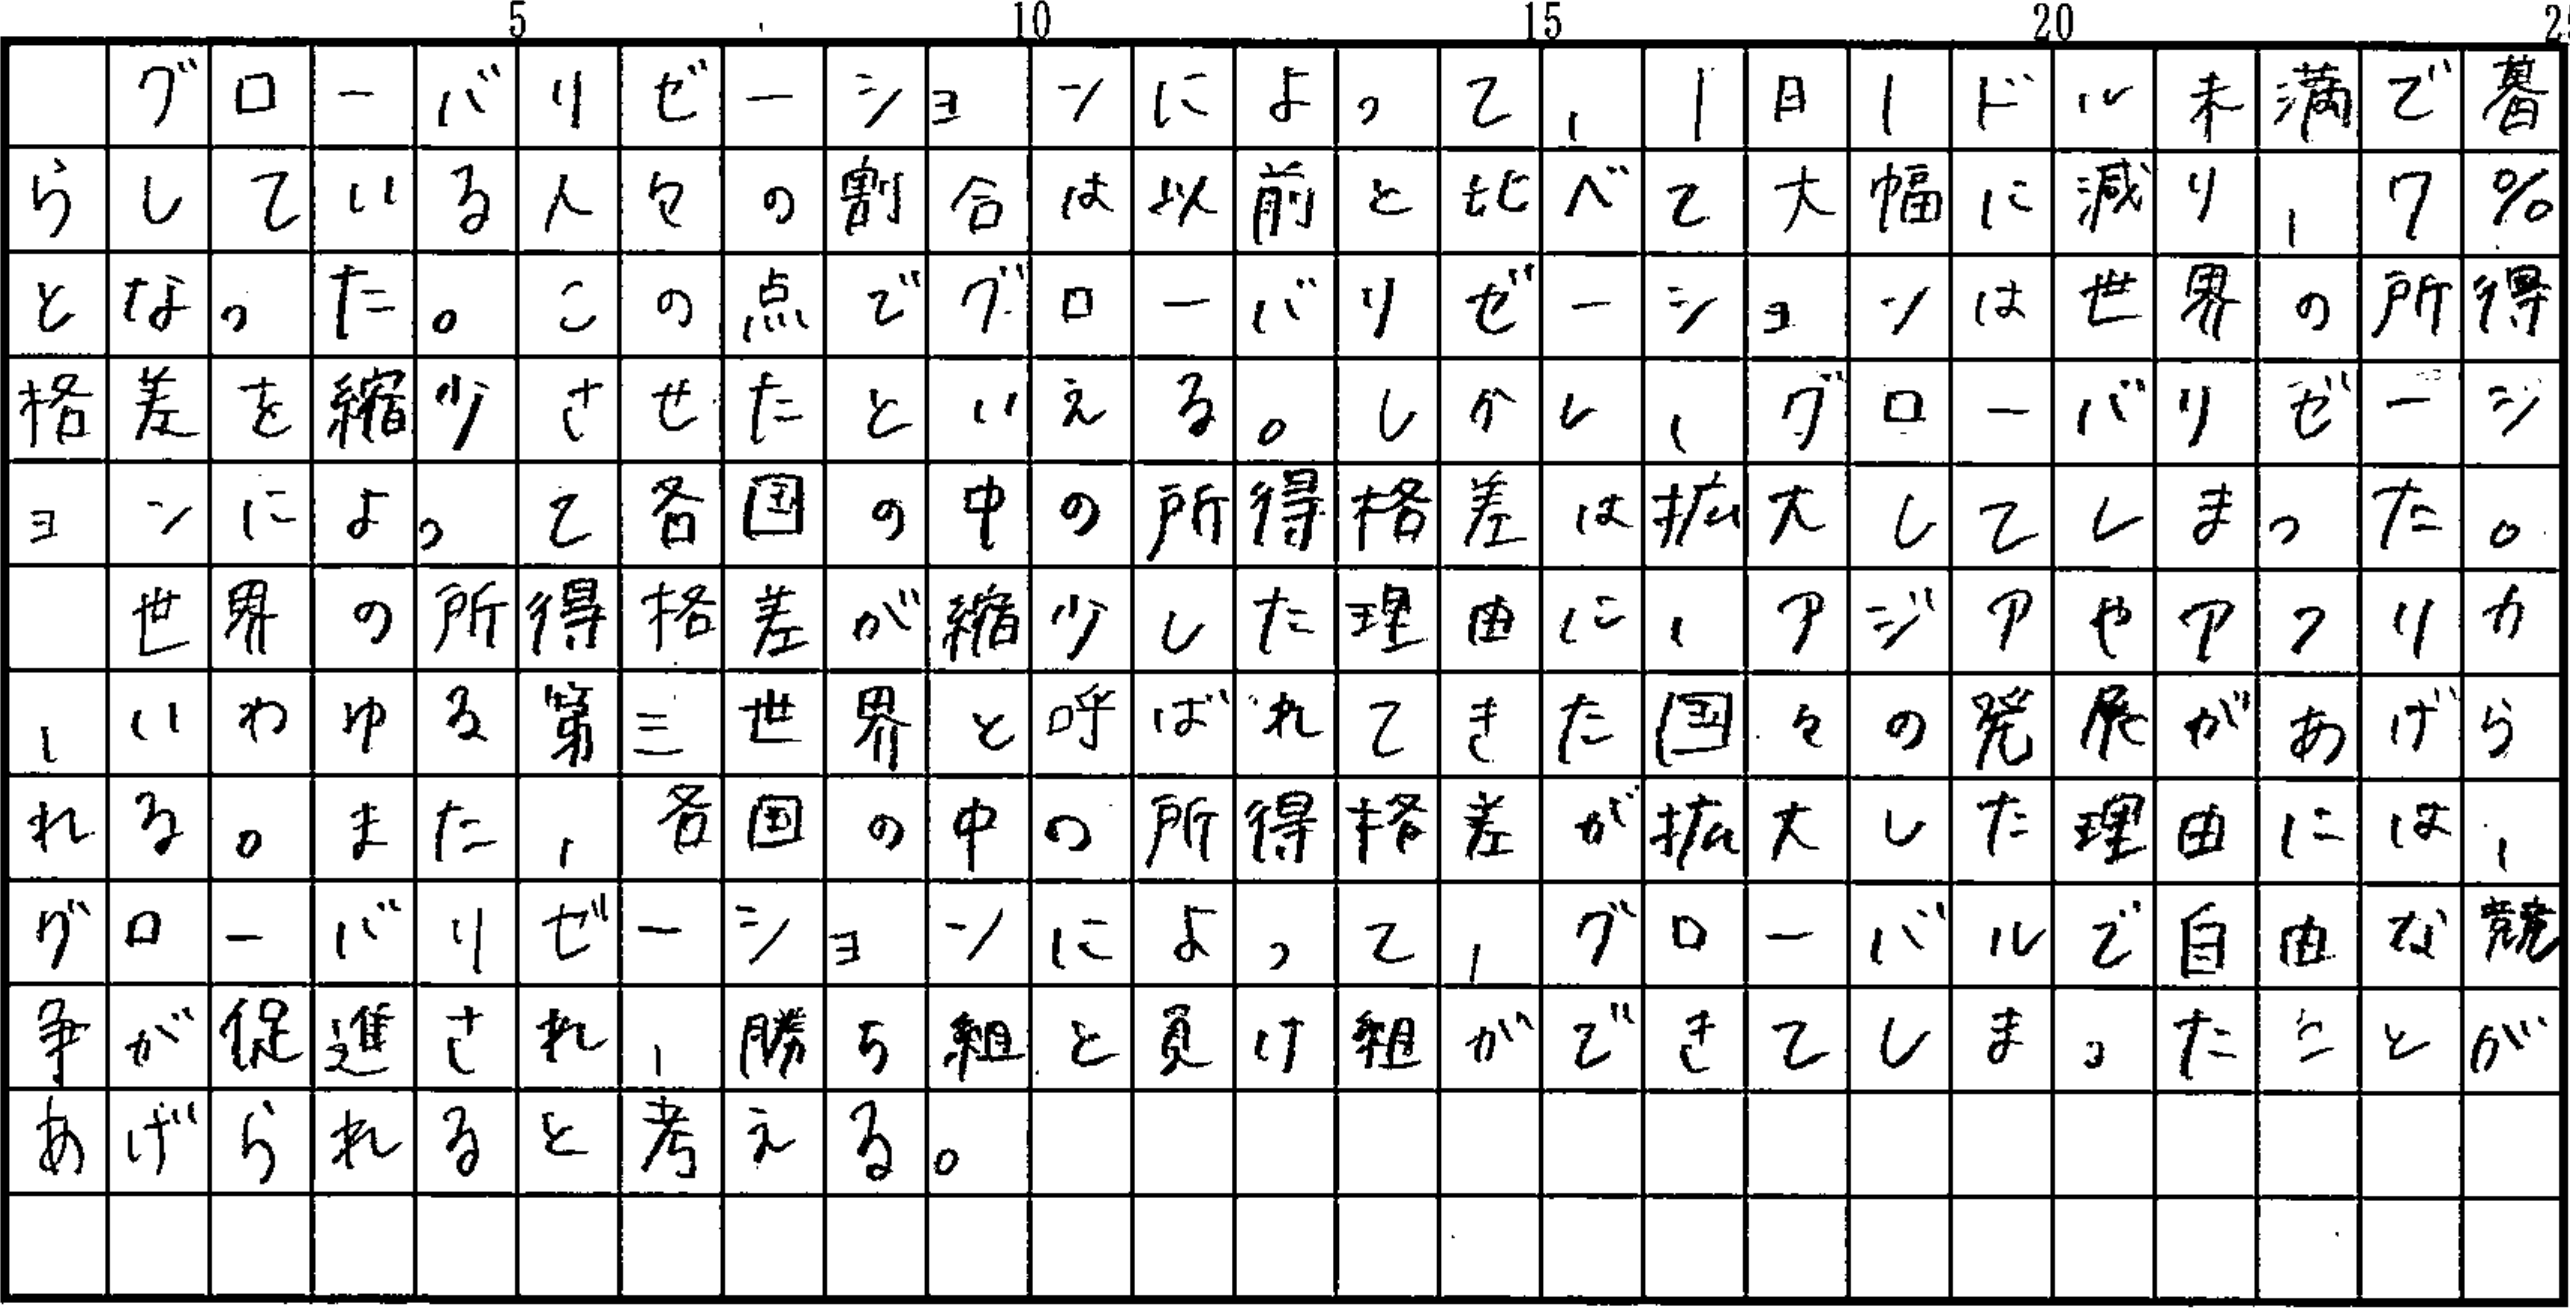　グローバリゼーションによって、１日１ドル未満で暮らしている人々の割合は以前と比べて大幅に減り、７％となった。この点でグローバリゼーションは世界の所得格差を縮少させたといえる。しかし、グローバリゼーションによって各国の中の所得格差は拡大してしまった。
　世界の所得格差が縮少した理由に、アジアやアフリカ、いわゆる第三世界と呼ばれてきた国々の発展があげられる、また、各国の中の所得格差が拡大した理由には、グローバリゼーションによって、グローバルで自由な競争が促進され、勝ち組と負け組みができてしまったことがあげられると考える。
